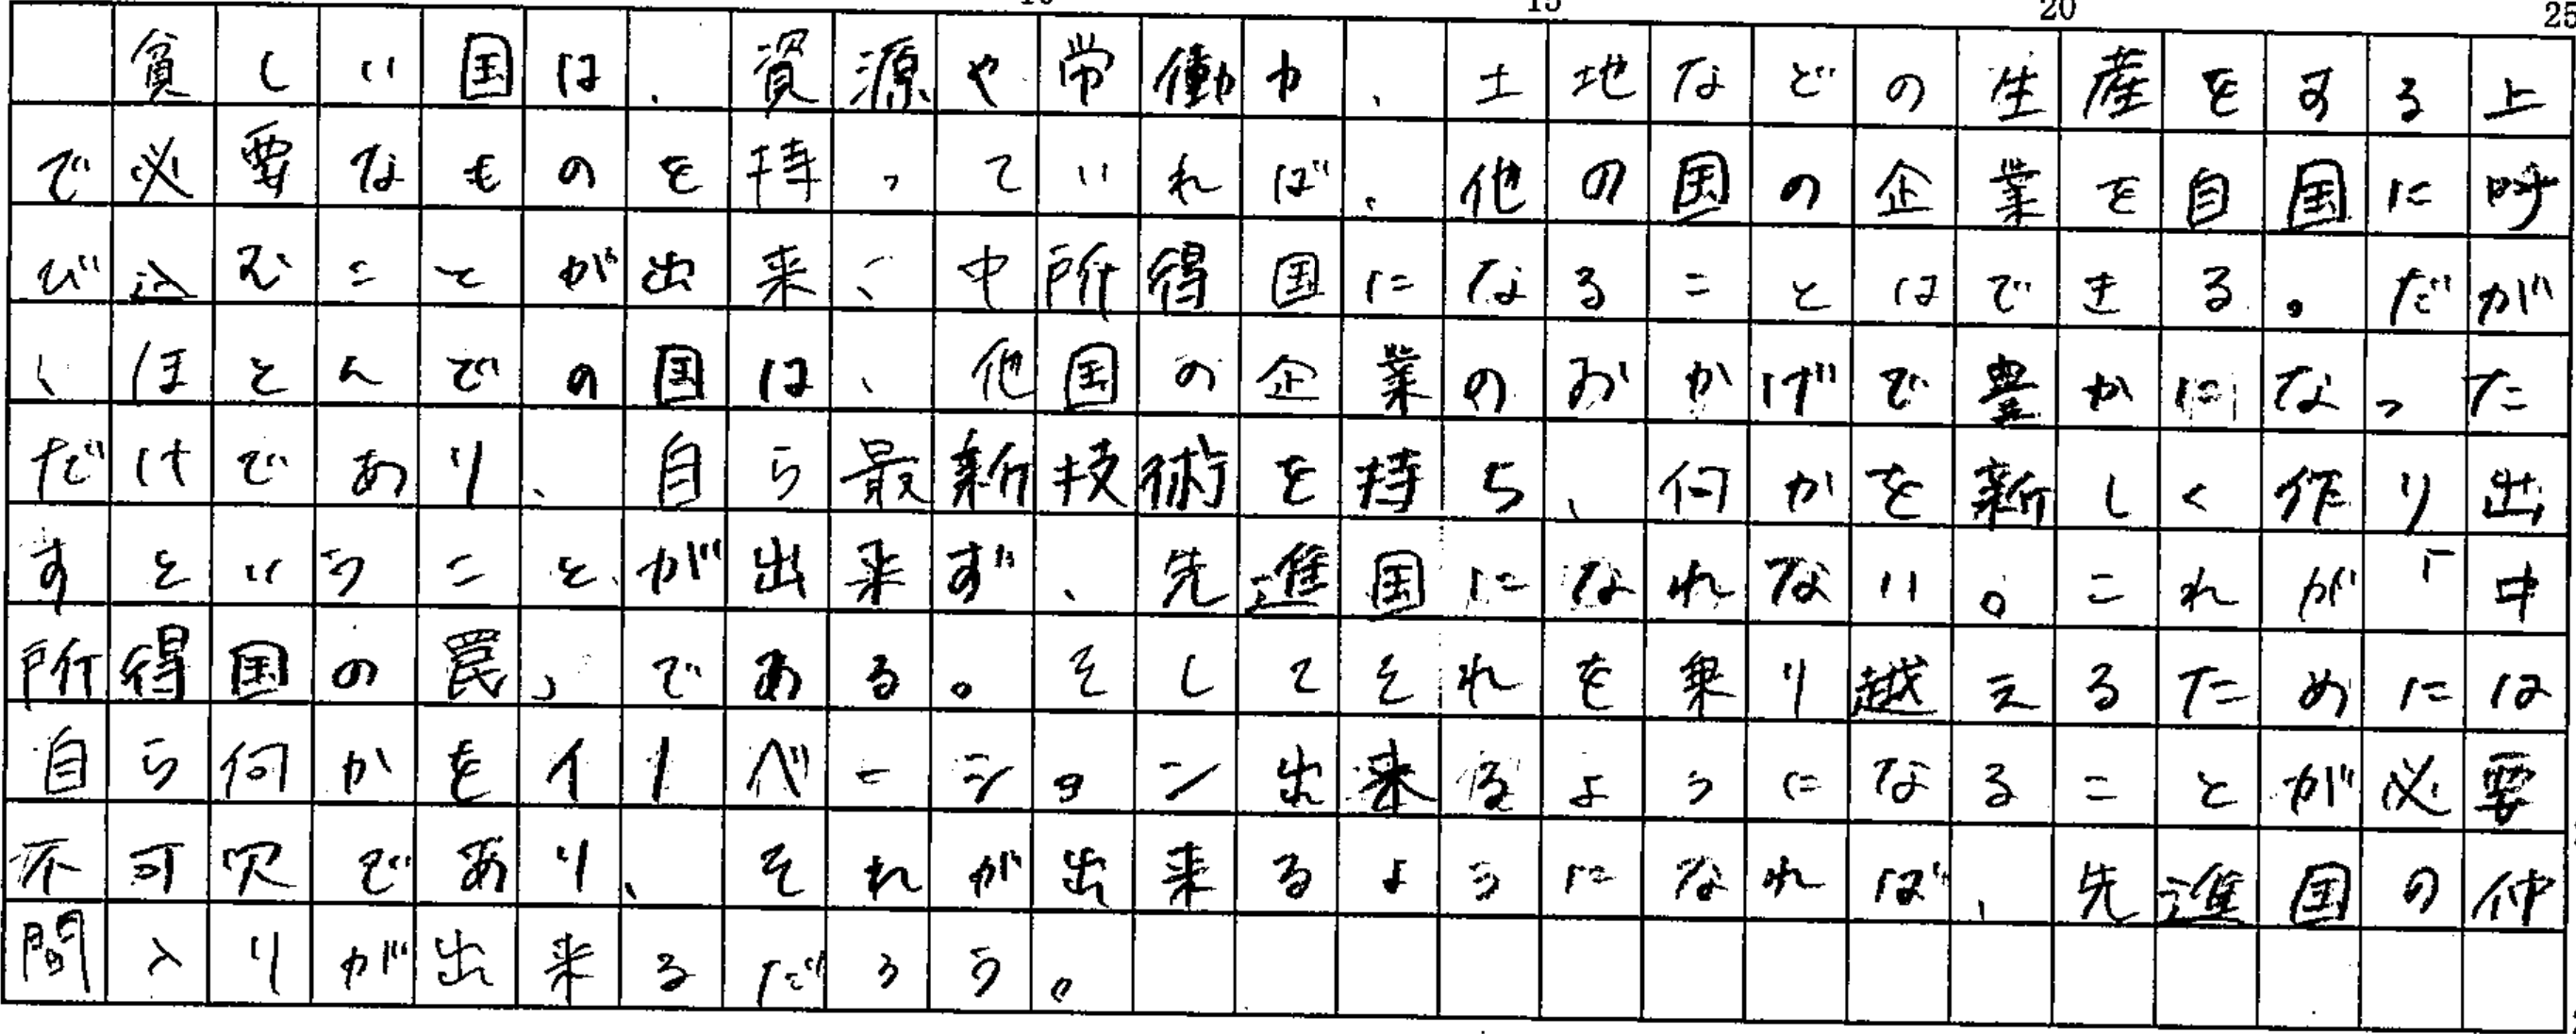　貧しい国は、資源や労働力、土地などの生産をする上で必要なものを持っていれば、他の国の企業を自国に呼び込むことが出来、中所得国になることはできる。だが、ほとんどの国は、他国の企業のおかげで豊かになっただけであり、自ら最新技術を持ち、何かを新しく作り出すということが出来ず、先進国になれない。これが「中所得国の罠」である。そしてそれを乗り越えるためには自ら何かをイノベーション出来るようになることが必要不可欠であり、それが出来るようになれば、先進国の仲間入りが出来るだろう。
